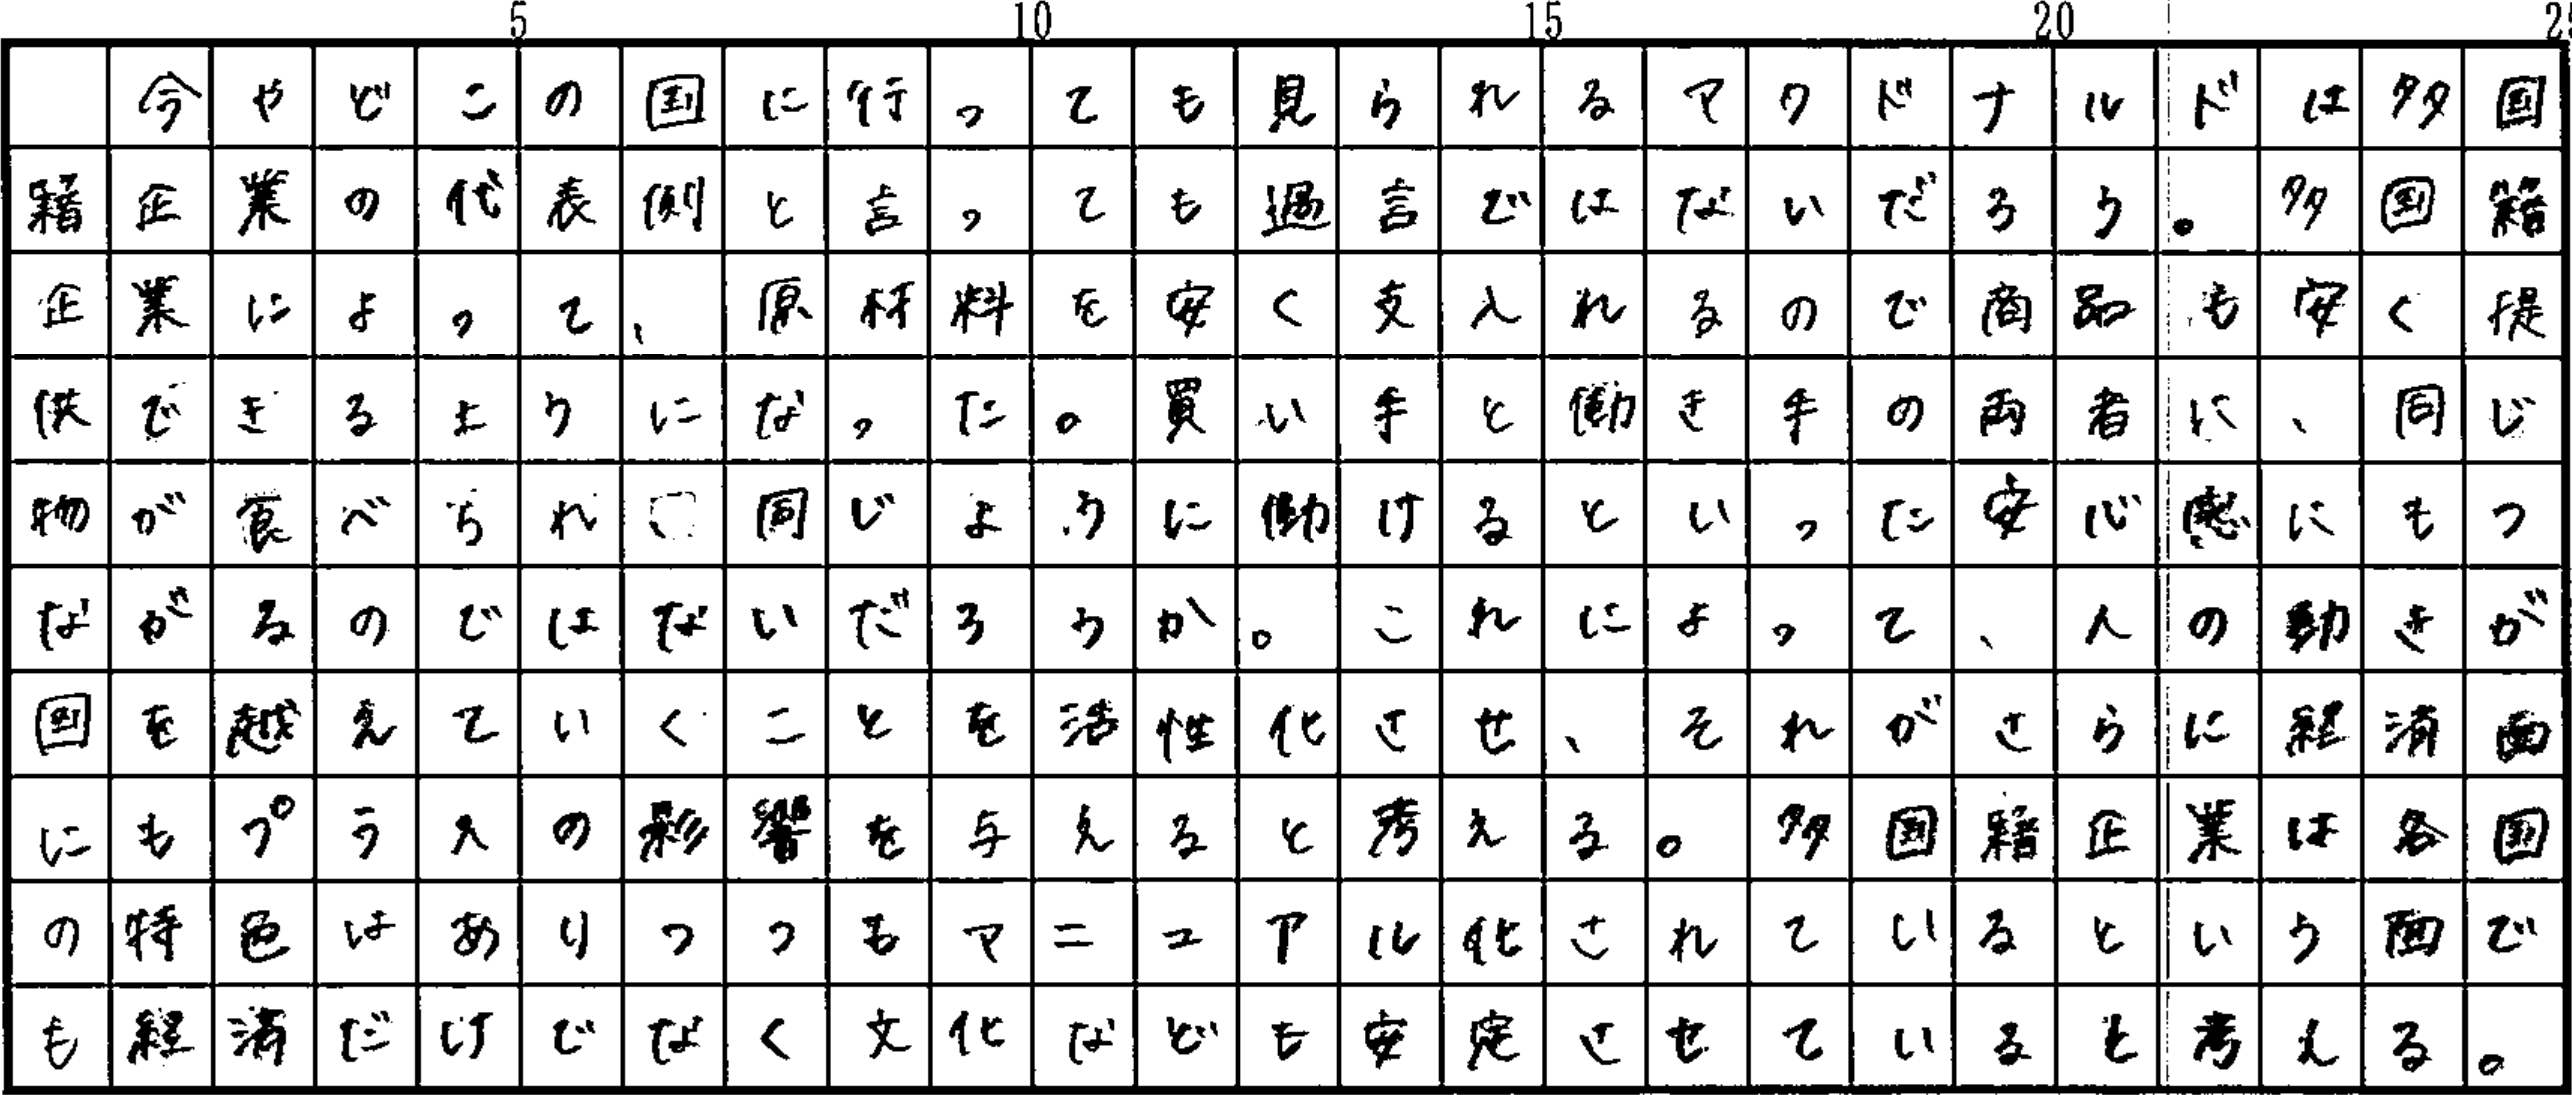　今やどこの国に行っても見られるマクドナルドは多国籍企業の代表例と言っても過言ではないだろう。多国籍企業によって、原材料を安く支入れるので商品も安く提供できるようになった。買い手と働き手の両者に、同じ物が食べられ、同じように働けるといった安心感にもつながるのではないだろうか。これによって、人の動きが国を越えていくことを活性化させ、それがさらに経済面にもプラスの影響を与えると考える。多国籍企業は各国の特色はありつつもマニュアル化されているという面でも経済だけでなく文化なども安定させていると考える。
